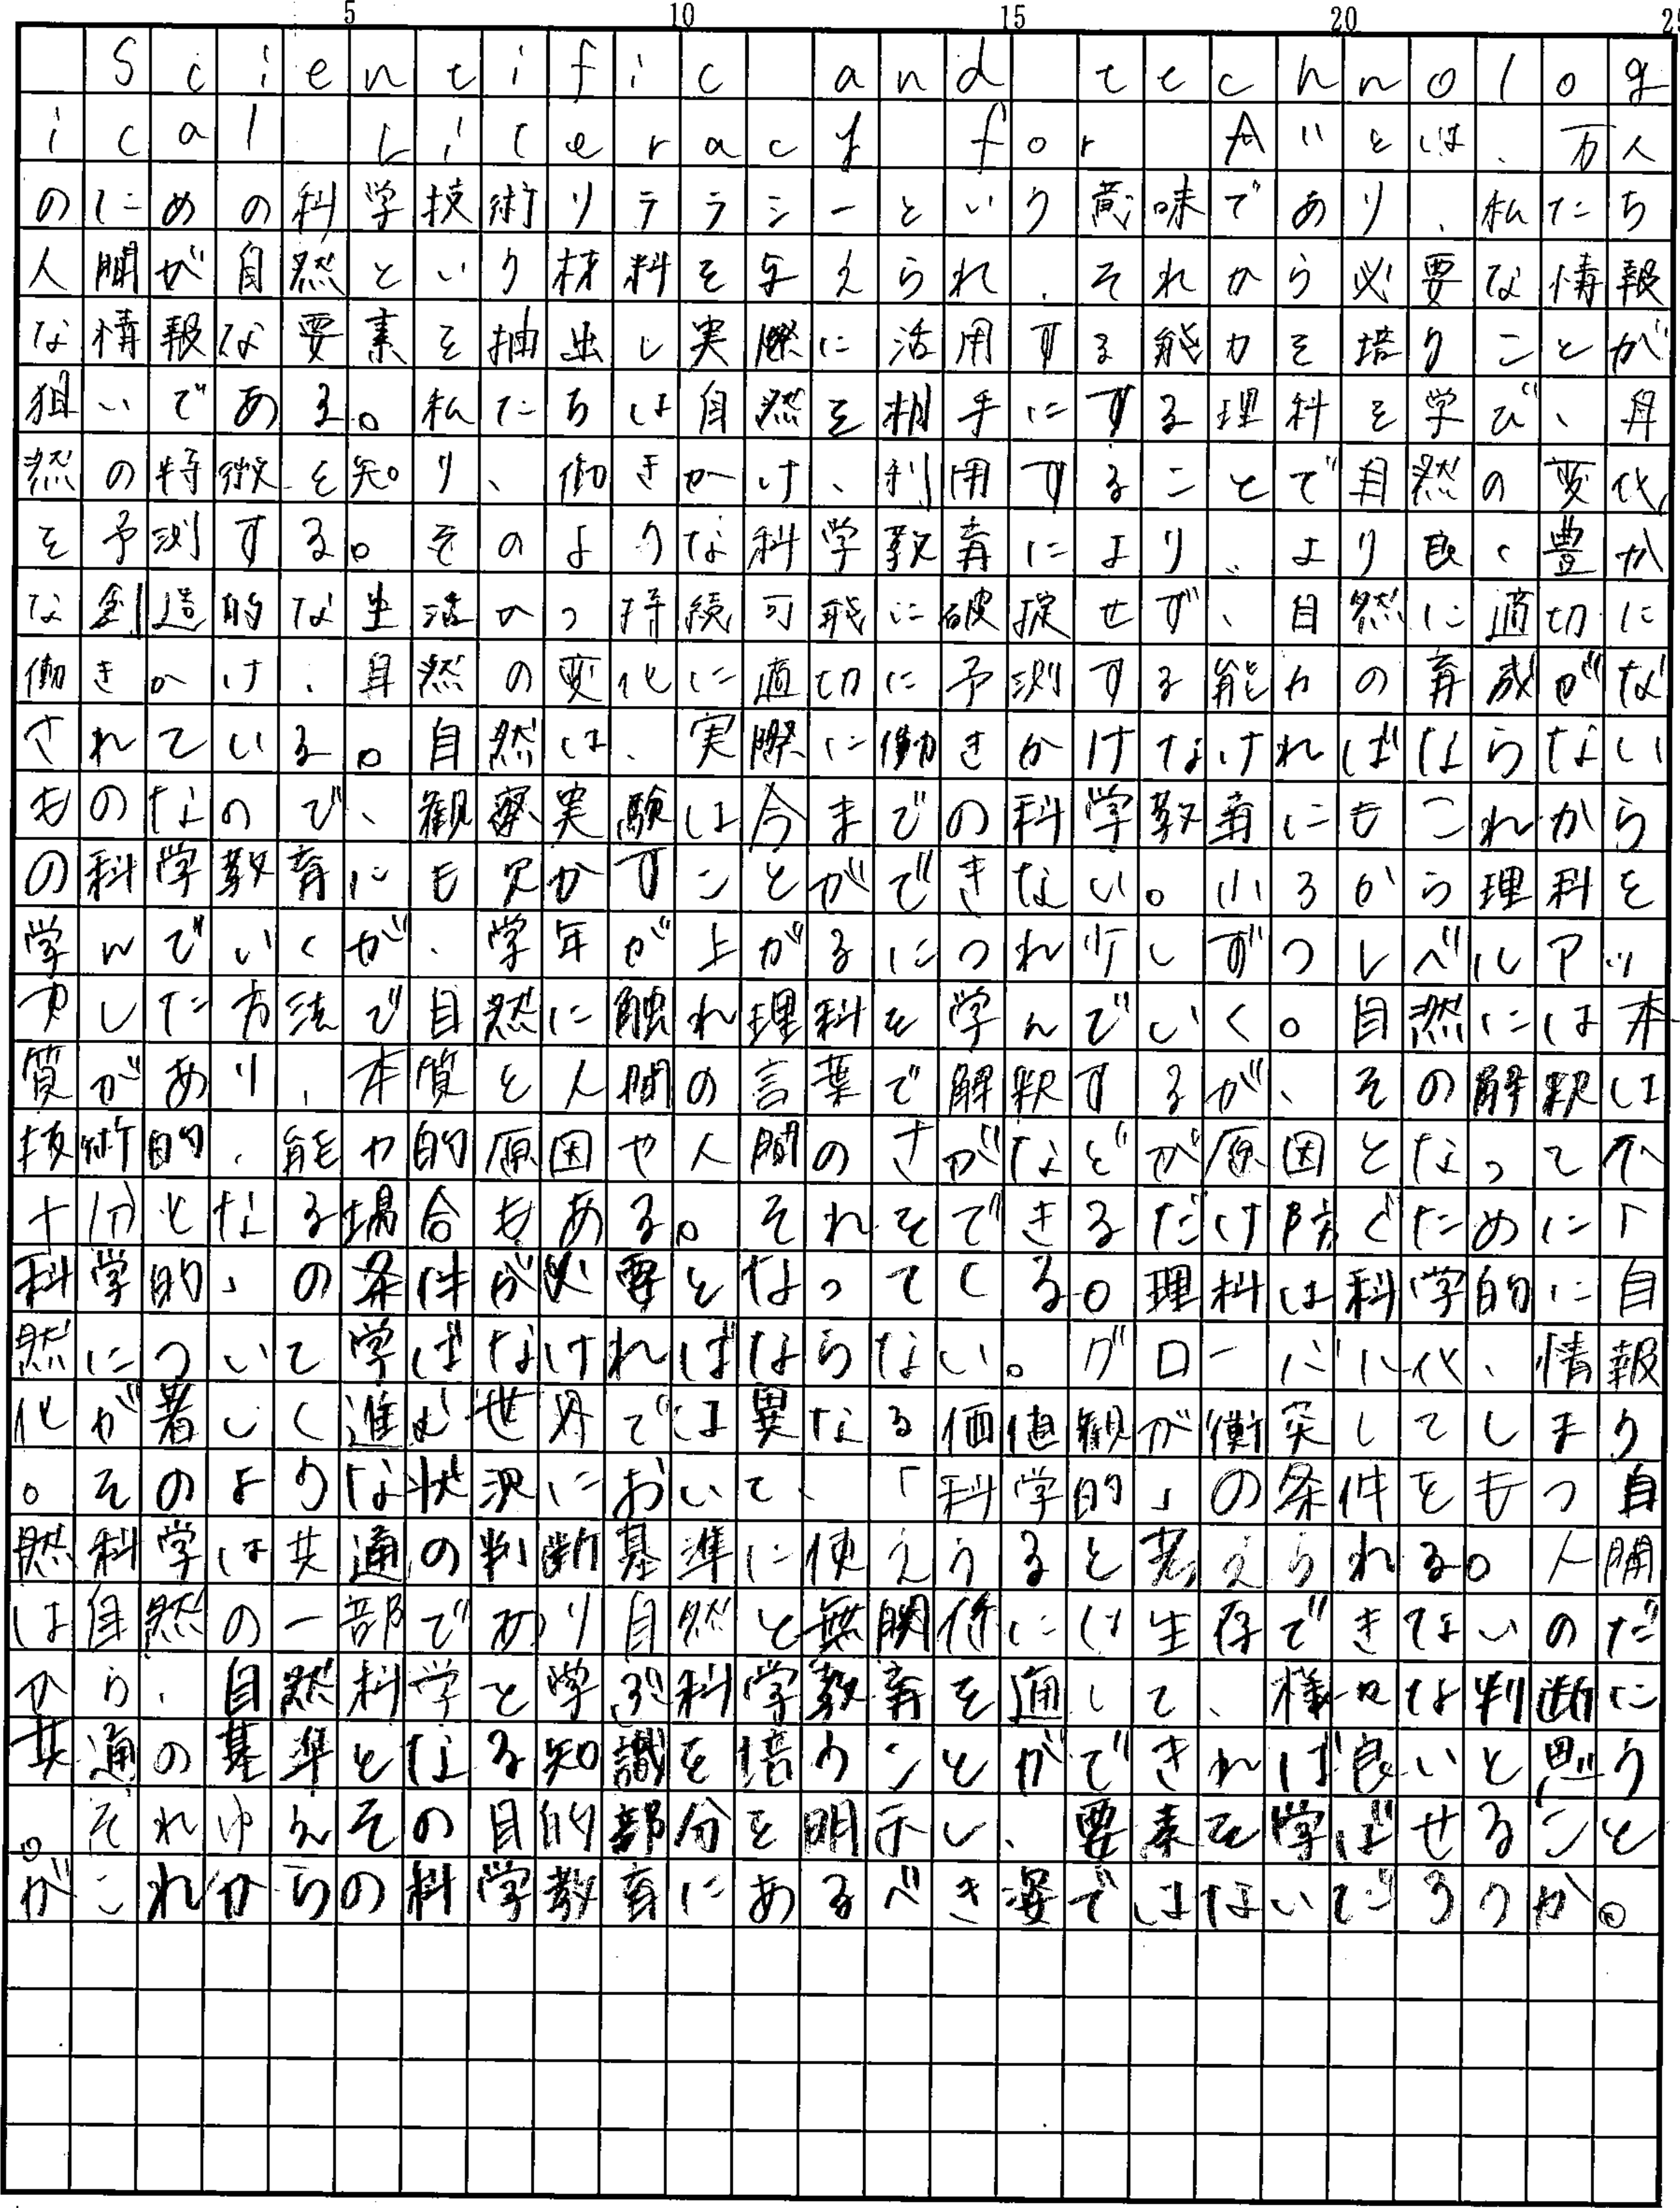　Ｓｃｉｅｎｔｉｆｉｃ　ａｎｄ　ｔｅｃｈｎｏｌｏｇｉｃａｌ　Ｌｉｔｅｒａｃｙ　ｆｏｒ　Ａllとは、万人のための科学技術リテラシーという意味であり、私たち人間が自然という材料を与えられ、それから必要な情報な情報な要素を抽出し実際に活用する能力を培うことが狙いである。私たちは自然を相手にする理科を学び、自然の特徴を知り、働きかけ、利用することで自然の変化を予測する。そのような科学教育により、より良く豊かな創造的な生活かつ持続可能に破掟せず、自然に適切に働きかけ、自然の変化に適切に予測する能力の育成がなされている。自然は、実際に働きかけなければならないものなので、観察実験は今までの科学教育にもこれからの科学教育にも欠かすことができない。小３から理科を学んでいくが、学年が上がるにつれ少しずつレベルアップした方法で自然に触れ理科を学んでいく。自然には本質があり、本質を人間の言葉で解釈するが、その解釈は技術的、能力的原因や人間のさがなどが原因となって不十分となる場合もある。それをできるだけ防ぐために「科学的」の条件が必要となってくる。理科は科学的に自然について学ばなければならない。グローバル化、情報化が著しく進む世界では異なる価値観が衡突してしまう。そのような状況において、「科学的」の条件をもつ自然科学は共通の判断基準に使えうると考えられる。人間は自然の一部であり自然と無関係には生存できないのだから、自然科学を学ぶ科学教育を通して、様々な判断に共通の基準となる知識を培うことができれば良いと思う。それゆえその目的部分を明示し、要素を学ばせることがこれからの科学教育にあるべき姿ではないだろうか。
